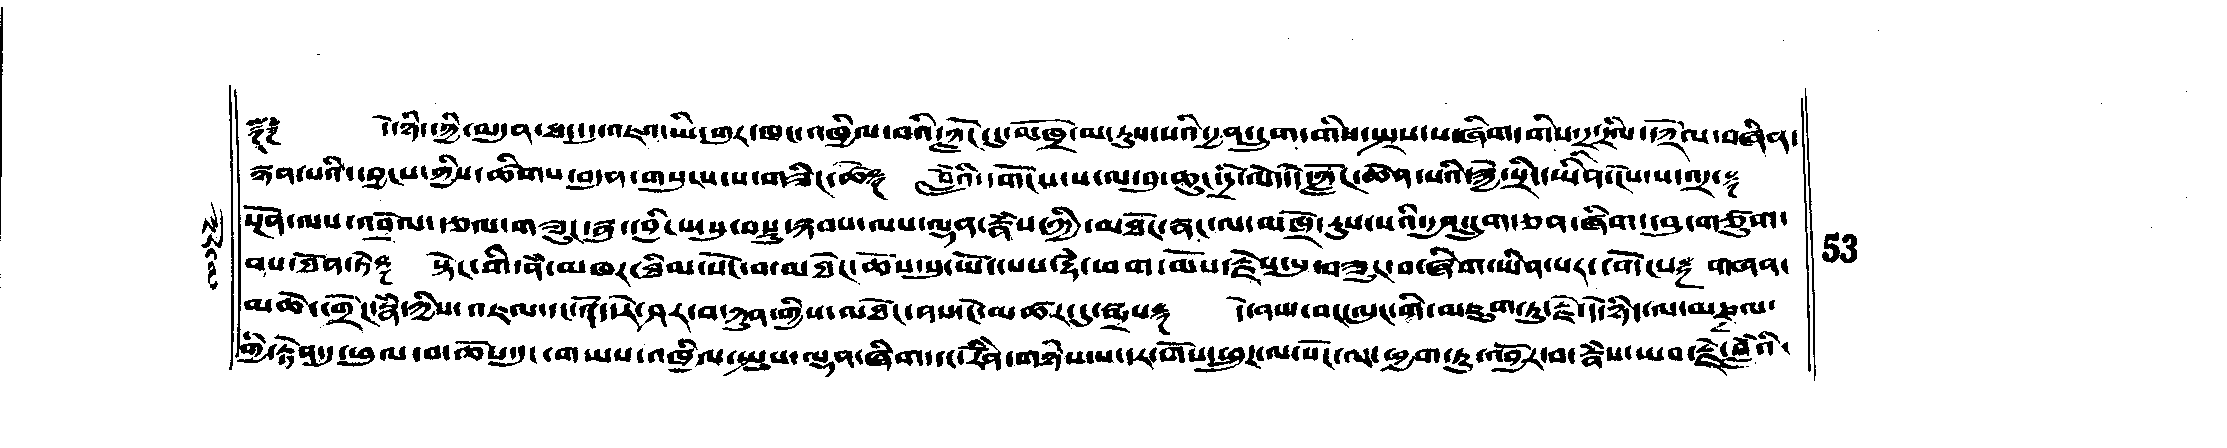དེ་ཉིད་ཀྱི་མདུན་ཐད་དུ་འཇའ་ཡི་གུར་ཁང་འཁྱིལ་བའི་ཀློང་དུ་མཁའ་འགྲོ་མ་རུས་པའི་རྒྱན་དྲུག་གིས་སྤྲས་པ་ཞིག་གིས་ཌ་དྲིལ་དཀྲོལ་བཞིན་
སྙན་པའི་དབྱངས་ཀྱིས་ཚིགས་བདུན་གསུངས་པ་གཟིགས་ཚེ། བླ་མའིདགོངས་པ་ལ་བུ་ཆུང་དྲི་མེད་དེ་ཀློང་ཆེན་པའི་སྐྱེ་སྲིད་ཡིན་ངེས་པ་འདྲ། 
སྔོན་ལས་འབྲེལ་རྩལ་གཟུགས་སྐུ་དབྱིངས་སུ་བསྡུ་སྐབས་ལས་ལྡན་རྣམས་ཀྱི་མཐོང་སྣང་ལ་མཁའ་འགྲོ་རུས་པའི་རྒྱན་དྲུག་ཅན་ཞིག་དབུ་གཙུག་
ནས་ཐོན་ཏེ། སྟེང་གི་ནམ་མཁར་ཐིམ་སོང་བ་མཐོང་ཆོས་སུ་ཡོད་པས་རྡོ་རྗེ་ཕག་མོས་རྗེས་སུ་བཟུང་བ་ཞིག་ཡིན་པར་དགོངས། གཞན་
མཆེད་གྲོགས་རྣམས་ཀྱིས་འཇའ་དང་འོད་རེ་ཤར་བ་ཀུན་གྱིས་མཐོང་ནས་ངོ་མཚར་དུ་སྨྲས། དེ་ནས་དབང་ལུང་གི་མཇུག་ཏུ་རྗེ་དེ་ཉིད་ལ་མཎྜལ་
གྱི་རྟེན་དུ་ཕུལ་བ་ཆོས་དུང་གཡས་འཁྱིལ་སྤུས་ལྡན་ཞིག་དང་རིན་པོ་ཆེ་གཉིས་པ་དར་གོས་ཕྲུགས་ལ་སོགས་པ་ཕྱག་ཏུ་འབྱོར་བ་རྣམས་ཡབ་རྗེ་བླ་མའི་